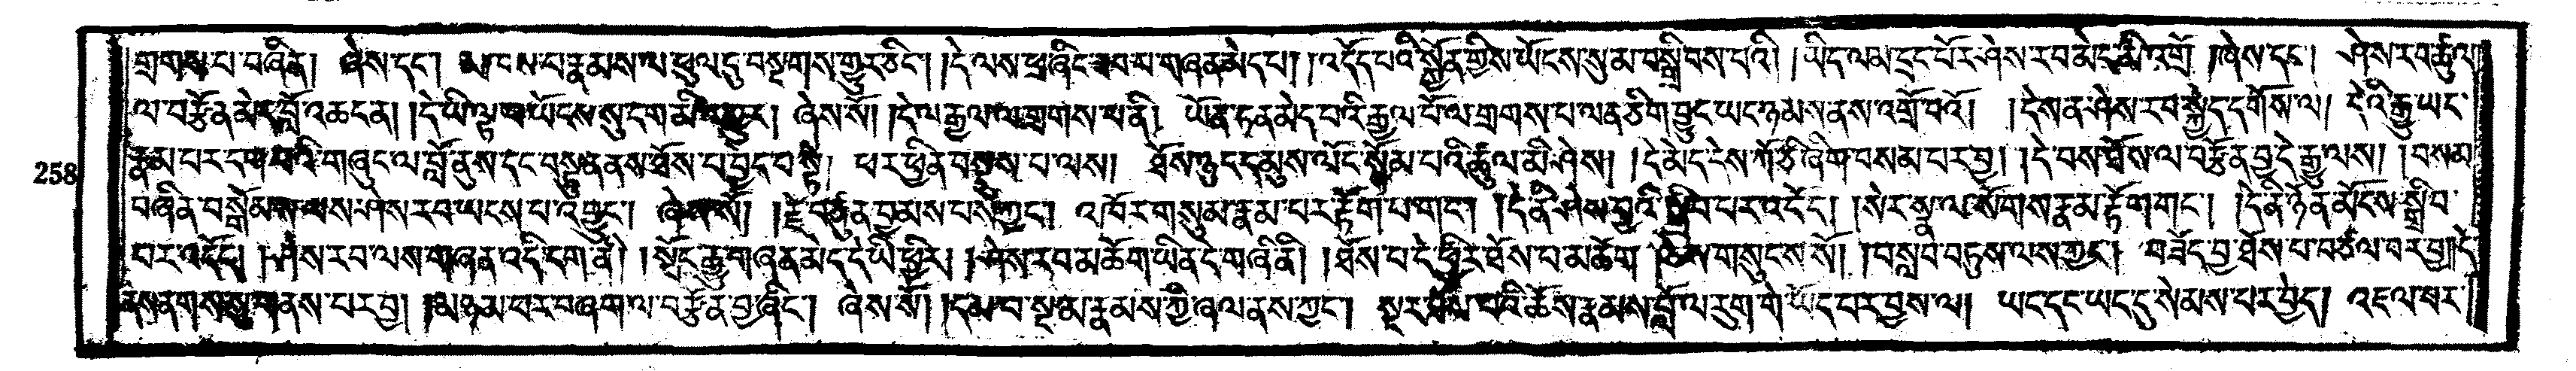གྲགས་པ་བཞིན། ཞེས་དང་། མཁས་པ་རྣམས་ལ་ཕུལ་དུ་བསྔགས་གྱུར་ཅིང་། །དེ་ལས་ཕྲ་ཞིང་ཟབ་པ་གཞན་མེད་པ། །འདོད་པའི་སྐྱོན་གྱིས་ཡོངས་སུ་མ་བསྒྲིབས་པའི། །ཡིད་ལམ་དྲང་པོར་ཤེས་རབ་མེད་མི་འགྲོ་།ཞེས་དང་། ཤེས་རབ་ཚུལ་
ལ་བརྩོན་མེད་བློ་འཆང་ན། །དེ་ཡི་ལྟ་བ་ཡོངས་སུ་དག་མི་འགྱུར། ཞེས་སོ། །དེ་ལ་རྒྱལ་ལ་གྲགས་པ་ནི། ཡོན་ཏན་མེད་པའི་རྒྱལ་པོ་ལ་གྲགས་པ་ལན་ཅིག་བྱུང་ཡང་ཉམས་ནས་འགྲོ་བའོ། །དེས་ན་ཤེས་རབ་སྐྱེད་དགོས་ལ། དེའི་རྒྱུ་ཡང་
རྣམ་པར་དག་པའི་གཞུང་ལ་བློ་ནུས་དང་བསྟུན་ནས་ཐོས་པ་བྱེད་བ་སྟེ། ཕར་ཕྱིན་བསྡུས་པ་ལས། ཐོས་ཉུད་དམུས་ལོང་སྒོམ་པའི་ཚུལ་མི་ཤེས། །དེ་མེད་དེས་ཀོ་ཅི་ཞིག་བསམ་པར་བྱ། །དེ་བས་ཐོས་ལ་བརྩོན་བྱ་དེ་རྒྱུ་ལས། །བསམ་
བཞིན་བསྒོམས་ལས་ཤེས་རབ་ཡངས་པ་འབྱུང་། ཞེས་སོ། །རྗེ་བཙུན་བྱམས་པས་ཀྱང་། འཁོར་གསུམ་རྣམ་པར་རྟོག་པ་གང་། །དེ་ནི་ཤེས་བྱའི་སྒྲིབ་པར་འདོད། །སེར་སྣ་ལ་སོགས་རྣམ་རྟོག་གང་། །དེ་ནི་ཉོན་མོངས་སྒྲིབ་
བར་འདོད། །ཤེས་རབ་ལས་གཞན་འདི་དག་ནི། །སྤོང་རྒྱུ་གཞན་མེད་དེ་ཡི་ཕྱིར། །ཤེས་རབ་མཆོག་ཡིན་དེ་གཞི་ནི། །ཐོས་པ་དེ་ཕྱིར་ཐོས་པ་མཆོག །ཅེས་གསུངས་སོ། །བསླབ་བཏུས་ལས་ཀྱང་། བཟོད་བྱ་ཐོས་པ་བཙལ་བར་བྱ། །དེ་
ནས་ནགས་སུ་གནས་པར་བྱ། །མཉམ་པར་བཞག་ལ་བརྩོན་བྱ་ཞིང་། ཞེས་སོ། །དམ་པ་སྔ་མ་རྣམས་ཀྱི་ཞལ་ནས་ཀྱང་། སྔར་ཐོས་པའི་ཆོས་རྣམས་བློ་ལ་རུག་གེ་ཡོད་པར་བྱས་ལ། ཡང་དང་ཡང་དུ་སེམས་པར་བྱེ། འཇལ་པར་